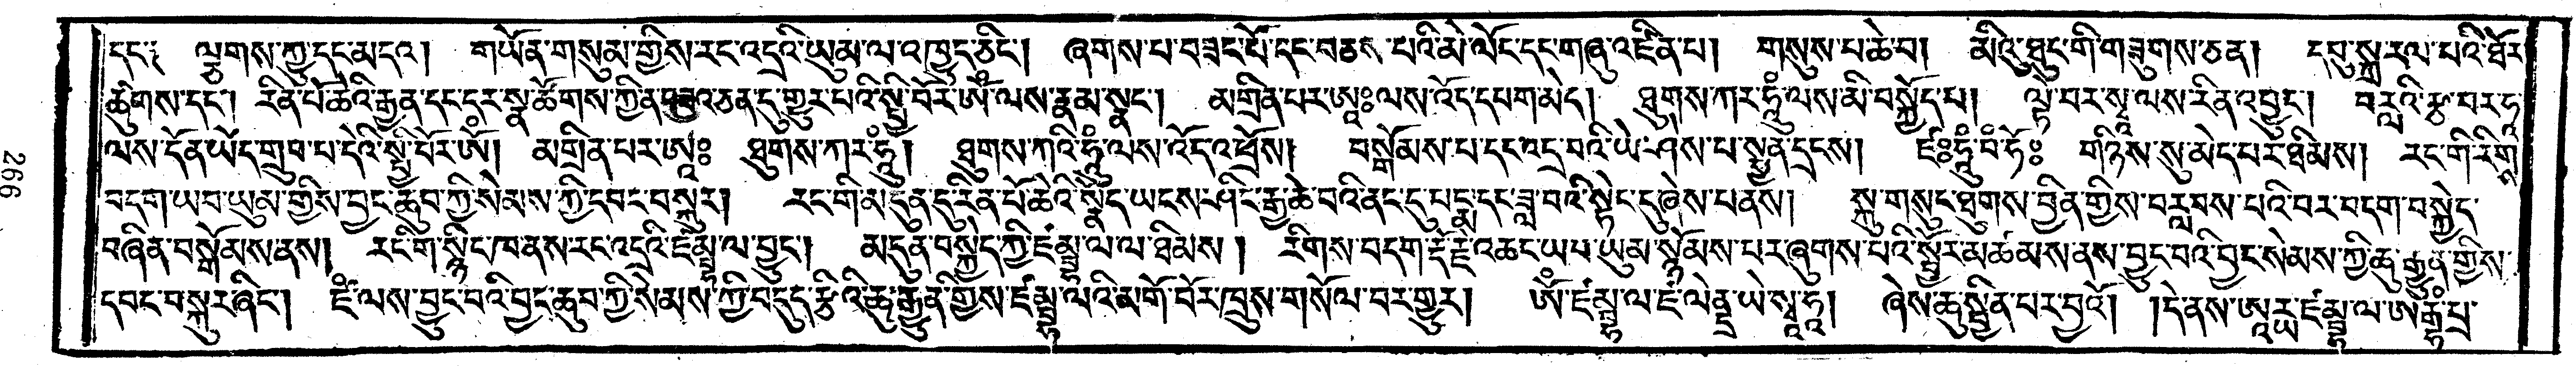དང༑ ལྕགས་ཀྱུ་དང་མདའ། གཡོན་གསུམ་གྱིས་རང་འདྲའི་ཡུམ་ལ་འཁྱུད་ཅིང་། ཞགས་པ་བཟང་པོ་དང་བཅས་པའི་མེ་ལོང་དང་གཞུ་འཛིན་པ། གསུས་པ་ཆེ་བ། མིའུ་ཐུང་གི་གཟུགས་ཅན། དབུ་སྐྲ་རལ་པའི་ཐོར་
ཚུགས་དང་། རིན་པོ་ཆེའི་རྒྱན་དང་དར་སྣ་ཚོགས་ཀྱི་ན་བཟའ་ཅན་དུ་གྱུར་པའི་སྤྱི་བོར་ཨོཾ་ལས་རྣམ་སྣང་། མགྲིན་པར་ཨཱཿ ལས་འོད་དཔག་མེད། ཐུགས་ཀར་ཧཱུཾ་ལས་མི་བསྐྱོད་པ། ལྟེ་བར་སྭཱ་ལས་རིན་འབྱུང་། བརླའི་རྩ་བར་ཧཱ་
ལས་དོན་ཡོད་གྲུབ་པ་དེའི་སྤྱི་བོར་ཨོཾ། མགྲིན་པར་ཨཱཿ ཐུགས་ཀར་ཧཱུཾ། ཐུགས་ཀའི་ཧཱུཾ་ལས་འོད་འཕྲོས། བསྒོམས་པ་དང་འདྲ་བའི་ཡེ་ཤེས་པ་སྤྱན་དྲངས། ཛཿ ཧཱུཾ་བཾ་ཧོཿ གཉིས་སུ་མེད་པར་ཐིམས། རང་གི་རིགས་
བདག་ཡབ་ཡུམ་གྱིས་བྱང་ཆུབ་ཀྱི་སེམས་ཀྱི་དབང་བསྐུར། རང་གི་མདུན་དུ་རིན་པོ་ཆེའི་སྣོད་ཡངས་ཤིང་རྒྱ་ཆེ་བའི་ནང་དུ་པདམ་དང་ཟླ་བའི་སྟེང་དུ་ཞེས་པ་ནས། སྐུ་གསུང་ཐུགས་བྱིན་གྱིས་བརླབས་པའི་བར་བདག་བསྐྱེད་
བཞིན་བསྒོམས་ནས། རང་གི་སྙིང་ཁ་ནས་རང་འདྲའི་ཛམྦྷ་ལ་བྱུང་། མདུན་བསྐྱེད་ཀྱི་ཛམྦྷ་ལ་ལ་ཐིམས། རིགས་བདག་རྡོ་རྗེ་འཆང་ཡབ་ཡུམ་སྙོམས་པར་ཞུགས་པའི་སྦྱོར་མཚམས་ནས་བྱུང་བའི་བྱང་སེམས་ཀྱི་ཆུ་རྒྱུན་གྱིས་
དབང་བསྐུར་ཞིང་། ཛཾ་ལས་བྱུང་བའི་བྱང་ཆུབ་ཀྱི་སེམས་ཀྱི་བདུད་རྩིའི་ཆུ་རྒྱུན་གྱིས་ཛམྦྷ་ལའི་མགོ་བོར་ཁྲུས་གསོལ་བར་གྱུར། ཨོཾ་ཛམྦྷ་ལ་ཛ་ལེནྡྲ་ཡེ་སྭཱཧཱ། ཞེས་ཆུ་སྦྱིན་པར་བྱའོ། །དེ་ནས་ཨཱརྱ་ཛམྦྷ་ལ་ཨརྒྷཾ་པྲ་